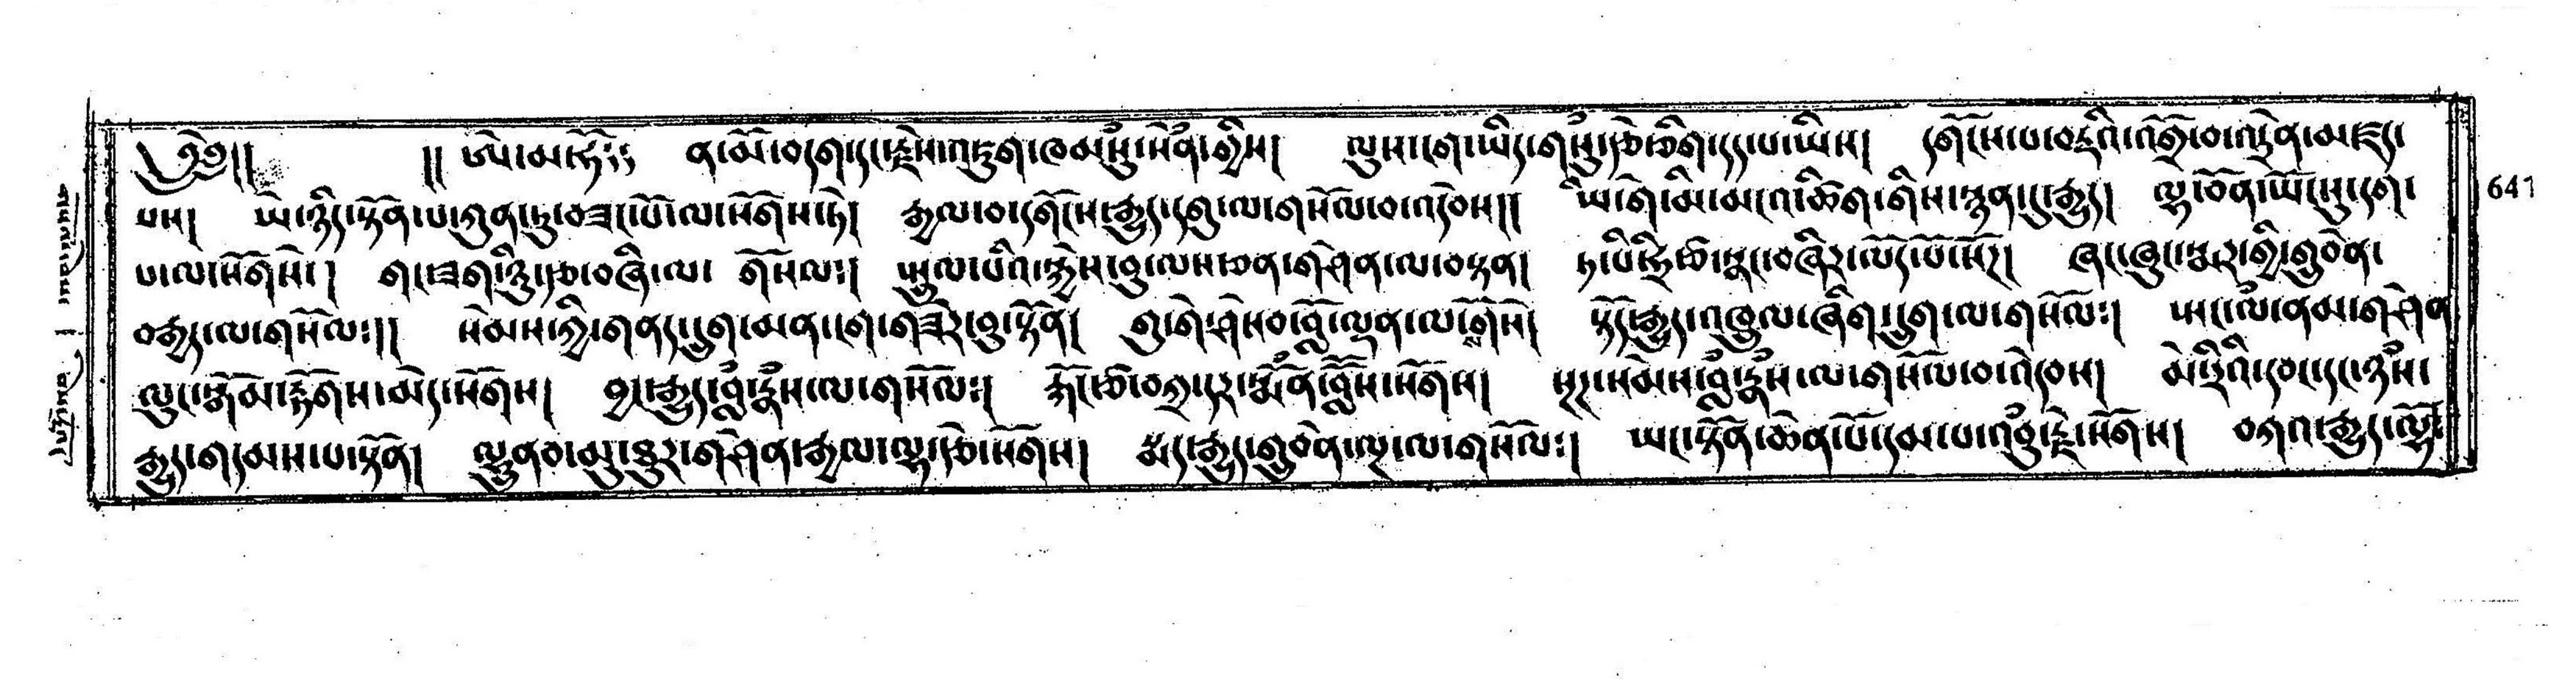༄༅།། །།ཨེ་མ་ཧོ ན་མོ་བདག་དང་རྗེས་འཇུག་ཁམས་གསུམ་སེམས་ཅན་གྱིས། ལུས་ངག་ཡིད་གསུམ་རྩེ་གཅིག་དད་པ་ཡིས། དགོངས་པ་བརྡའི་འགྲོ་བ་འདྲེན་མཛད་
པས། ཡེ་ཉིད་སྟོན་པ་ཀུན་ཏུ་བཟང་པོ་ལ་སོགས་ཏེ། རྒྱལ་བ་དགོངས་རྒྱུད་དགུ་ལ་གསོལ་བ་འདེབས།། ཡི་གེ་མི་མངའ་ཚིག་གིས་སྙན་དུ་བརྒྱུད། ལྷ་བོན་ཡོངས་སུ་དག་
པ་ལ་སོགས་ཏེ། གང་ཟག་ཉི་ཤུ་རྩ་བཞི་ལ་གསོལ༴། སྤྲུལ་པའི་སྐྱེས་བུ་ལས་ཅན་གཤེན་ལ་བསྟན། ཏ་པི་ཧྲི་ཙ་སྣང་བཞིར་ལོད་པོ་སོགས། ཞང་ཞུང་སྨར་གྱི་གྲུབ་ཆེན་
བརྒྱད་ལ་གསོལ༴།། སེམས་ཀྱི་གནད་དྲུག་མན་ངག་གཟེར་བུ་སྟོན། གུ་གེ་ཤེས་རབ་བློ་ལྡན་ལ་སོགས། སྟོད་རྒྱུད་འཁྲུལ་ཞིག་དྲུག་ལ་གསོལ༴། སྤང་ལ་ནམ་གཤེན་
ལུང་སྒོམ་རྟོག་མེད་སོགས། བྱང་རྒྱུད་བླ་མ་རྣམས་ལ་གསོལ༴། རྐོང་ཙ་བཀྲ་དར་སྨོན་ལམ་བློ་གྲོས་སོགས། སྔགས་སེམས་བླ་མ་རྣམས་ལ་གསོལ་བ་འདེབས། མེ་རིའི་དབང་དང་ཉམས་
རྒྱུད་གདམས་པ་སྟོན། ལྷུན་གྲུབ་མུ་ཐུར་གཤེན་རྒྱལ་ལྷ་རྩེ་སོགས། སྨད་རྒྱུད་གྲུབ་ཆེན་ལྔ་ལ་གསོལ༴། ཡང་སྟོན་ཆེན་པོ་དམ་པ་འབུམ་རྗེ་སོགས། བཀའ་རྒྱུད་ལྷོ་